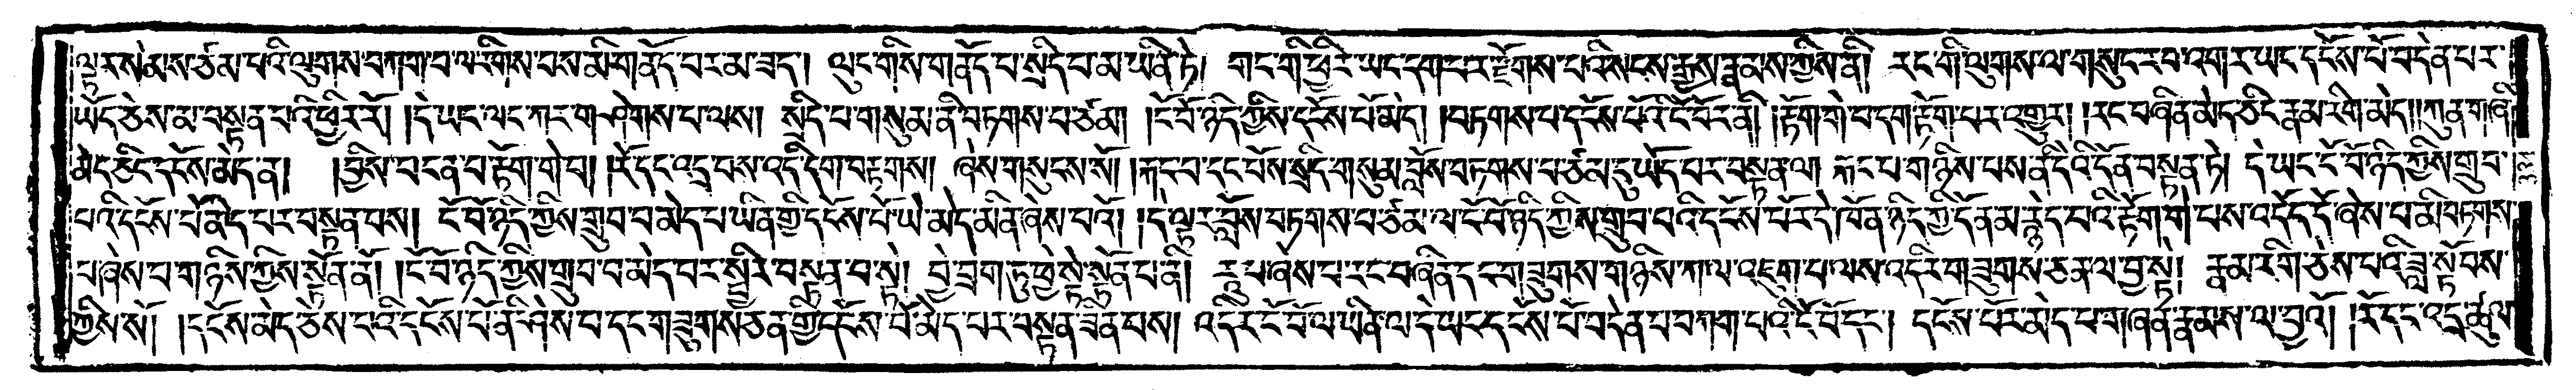ལྟར་སེམས་ཙམ་པའི་ལུགས་བཀག་པ་ལ་རིགས་པས་མི་གནོད་པར་མ་ཟད། ལུང་གིས་གནོད་པ་སྲིད་པ་མ་ཡིན་ཏེ། གང་གི་ཕྱིར་ཡང་དག་པར་རྫོགས་པའི་སངས་རྒྱས་རྣམས་ཀྱིས་ནི། རང་གི་ལུགས་ལ་གསུང་རབ་འགར་ཡང་དངོས་པོ་བདེན་པར་
ཡོད་ཅེས་མ་བསྟན་པའི་ཕྱིར་རོ། །དེ་ཡང་ལང་ཀར་གཤེགས་པ་ལས། སྲིད་པ་གསུམ་ནི་བཏགས་པ་ཙམ། །ངོ་བོ་ཉིད་ཀྱིས་དངོས་པོ་མེད། །བཏགས་པ་དངོས་པོའི་ངོ་བོར་ནི། །རྟོག་གེ་བ་དག་རྟོག་པར་འགྱུར། །རང་བཞིན་མེད་ཅིང་རྣམ་རིག་མེད། །ཀུན་གཞི་
མེད་ཅིང་དངོས་མེད་ན། །བྱིས་པ་ངན་པ་རྟོག་གེ་བ། །རོ་དང་འདྲ་བས་འདི་དག་བརྟགས། ཞེས་གསུངས་སོ། །རྐང་པ་དང་པོས་སྲིད་གསུམ་བློས་བཏགས་པ་ཙམ་དུ་ཡོད་པར་བསྟན་ལ། རྐང་པ་གཉིས་པས་ནི་དེའི་དོན་བསྟན་ཏེ། དེ་ཡང་ངོ་བོ་ཉིད་ཀྱིས་གྲུབ་
པའི་དངོས་པོ་མེད་པར་བསྟན་པས། ངོ་བོ་ཉིད་ཀྱིས་གྲུབ་པ་མེད་པ་ཡིན་གྱི་དངོས་པོ་ཡེ་མེད་མིན་ཞེས་པའོ། །དེ་ལྟར་བློས་བཏགས་པ་ཙམ་ལ་ངོ་བོ་ཉིད་ཀྱིས་གྲུབ་པའི་དངོས་པོར་དེ་ཁོ་ན་ཉིད་ཀྱི་དོན་མ་རྙེད་པའི་རྟོག་གེ་པས་འདོད་དོ་ཞེས་པ་ནི། བཏགས་
པ་ཞེས་པ་གཉིས་ཀྱིས་སྟོན་ནོ། །ངོ་བོ་ཉིད་ཀྱིས་གྲུབ་པ་མེད་པར་སྤྱིར་བསྟན་པ་སྟེ། བྱེ་བྲག་ཏུ་ཕྱེ་སྟེ་སྟོན་པ་ནི། རཱུ་པ་ཞེས་པ་རང་བཞིན་དང་གཟུགས་གཉིས་ཀ་ལ་འཇུག་པ་ལས་འདིར་གཟུགས་ཅན་ལ་བྱ་སྟེ། རྣམ་རིག་ཅེས་པའི་ཟླ་སྟོབས་
ཀྱིས་སོ། །དངོས་མེད་ཅེས་པའི་དངོས་པོ་ནི་ཤེས་པ་དང་གཟུགས་ཅན་གྱི་དངོས་པོ་མེད་པར་བསྟན་ཟིན་པས། འདིར་ངོ་བོ་ལ་ཡིན་ལ་དེ་ཡང་དངོས་པོ་བདེན་པ་བཀག་པའི་ངོ་བོ་དང་། དངོས་པོར་མེད་པ་གཞན་རྣམས་ལ་བྱའོ། །རོ་དང་འདྲ་ཚུལ་